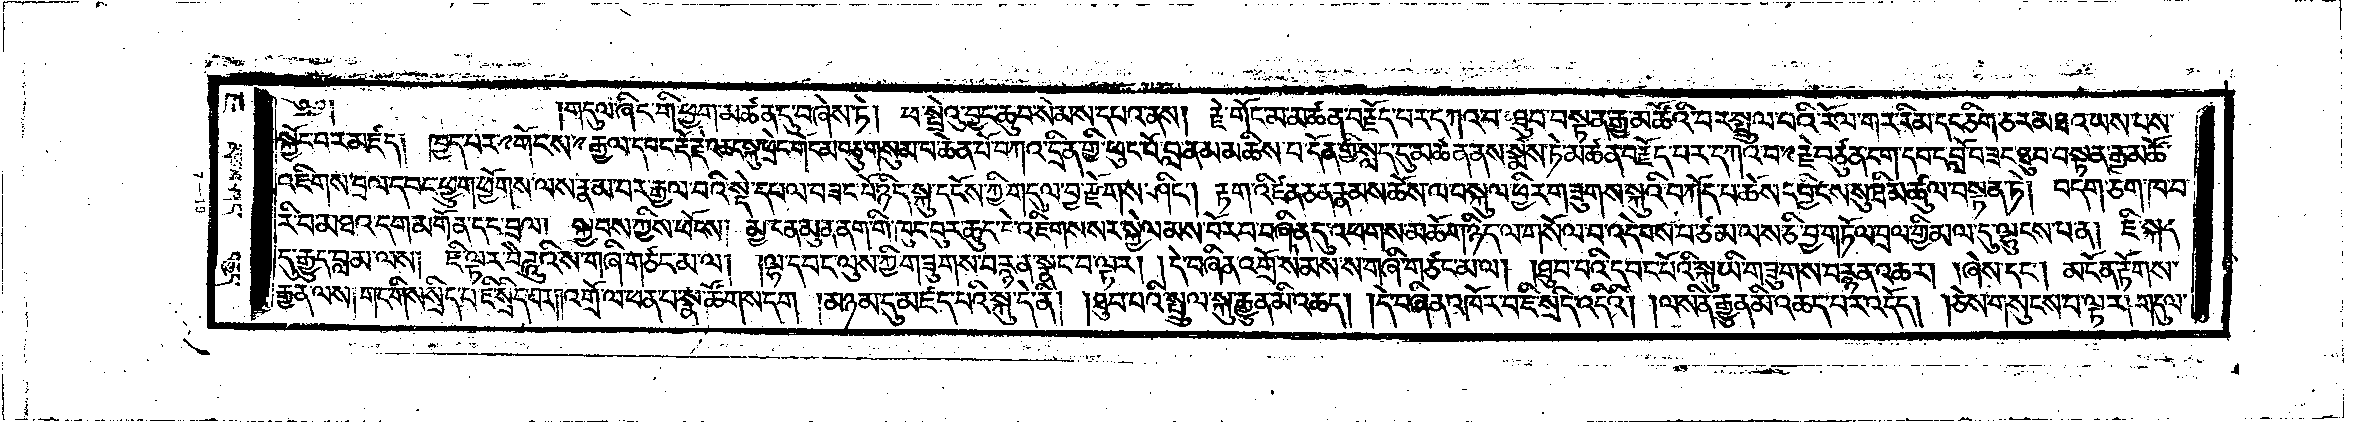༄༅། །གདུལ་ཞིང་གི་ཕྱག་མཚན་དུ་བཞེས་ཏེ། ཕ་སྤྲེའུ་བྱང་ཆུབ་སེམས་དཔའ་ནས། རྗེ་གོང་མ་མཚན་བརྗོད་པར་དཀའ་བ་ཐུབ་བསྟན་རྒྱ་མཚོའི་བར་སྤྲུལ་པའི་རོལ་གར་རིམ་དང་ཅིག་ཅར་མཐའ་ཡས་པས་
སྐྱོང་བར་མཛད། ཁྱད་པར ༧གོངས ༧རྒྱལ་དབང་རྡོ་རྗེ་འཆང་སྐུ་ཕྲེང་གོང་མ་བཅུ་གསུམ་པ་ཆེན་པོ་བཀའ་དྲིན་གྱི་ཕུང་བོ་བླ་ནམ་མཆིས་པ་དོན་གྱི་སླད་དུ་མཚན་ནས་སྨས་ཏེ་མཚན་བརྗོད་པར་དཀའ་བ ༧རྗེ་བཙུན་ངག་དབང་བློ་བཟང་ཐུབ་བསྟན་རྒྱ་མཚོ་
འཇིགས་བྲལ་དང་དབང་ཕྱུག་ཕྱོགས་ལས་རྣམ་པར་རྒྱལ་བའི་སྡེ་དཔལ་བཟང་པོ་ཉིད་སྐུ་དངོས་ཀྱི་གདུལ་བྱ་རྫོགས་ཤིང་། རྟག་འཛིན་ཅན་རྣམས་ཆོས་ལ་བསྐུལ་ཕྱིར་གཟུགས་སྐུའི་བཀོད་པ་ཆོས་དབྱིངས་སུ་ཐིམ་ཚུལ་བསྟན་ཏེ། བདག་ཅག་ཁ་བ་
རི་བ་མཐའ་དག་མགོན་དང་བྲལ། སྐྱབས་ཀྱིས་ཕོངས། མྱ་ངན་མུན་ནག་གི་ཁུང་བུར་ཆུང་པེ་འཇིགས་སར་སྐྱེལ་མས་བོར་བ་བཞིན་དུ་འཕགས་མཆོག་ཉིད་ལ་གསོལ་བ་འདེབས་པ་ཙམ་ལས་ཅི་བྱ་གཏོལ་བྲལ་གྱི་མལ་དུ་ལྷུངས་པ་ན། ཇི་སྐད་
དུ་རྒྱུད་བླ་མ་ལས། ཇི་ལྟར་བཻཌཱུའི་ས་གཞི་གཙང་མ་ལ། །ལྷ་དབང་ལུས་ཀྱི་གཟུགས་བརྙན་སྣང་བ་ལྟར། །དེ་བཞིན་འགྲོ་སེམས་ས་གཞི་གཙང་མ་ལ། །ཐུབ་པའི་དབང་པོའི་སྐུ་ཡི་གཟུགས་བརྙན་འཆར། །ཞེས་དང་། མངོན་རྟོགས་
རྒྱན་ལས། གང་གིས་སྲིད་པ་ཇི་སྲིད་པར། །འགྲོ་ལ་ཕན་པ་སྣ་ཚོགས་དག །མཉམ་དུ་མཛད་པའི་སྐུ་དེ་ནི། །ཐུབ་པའི་སྤྲུལ་སྐུ་རྒྱུན་མི་འཆད། །དེ་བཞིན་འཁོར་བ་ཇི་སྲིད་འདིའི། །ལས་ནི་རྒྱུན་མི་འཆད་པར་འདོད། །ཅེས་གསུངས་པ་ལྟར། གདུལ་